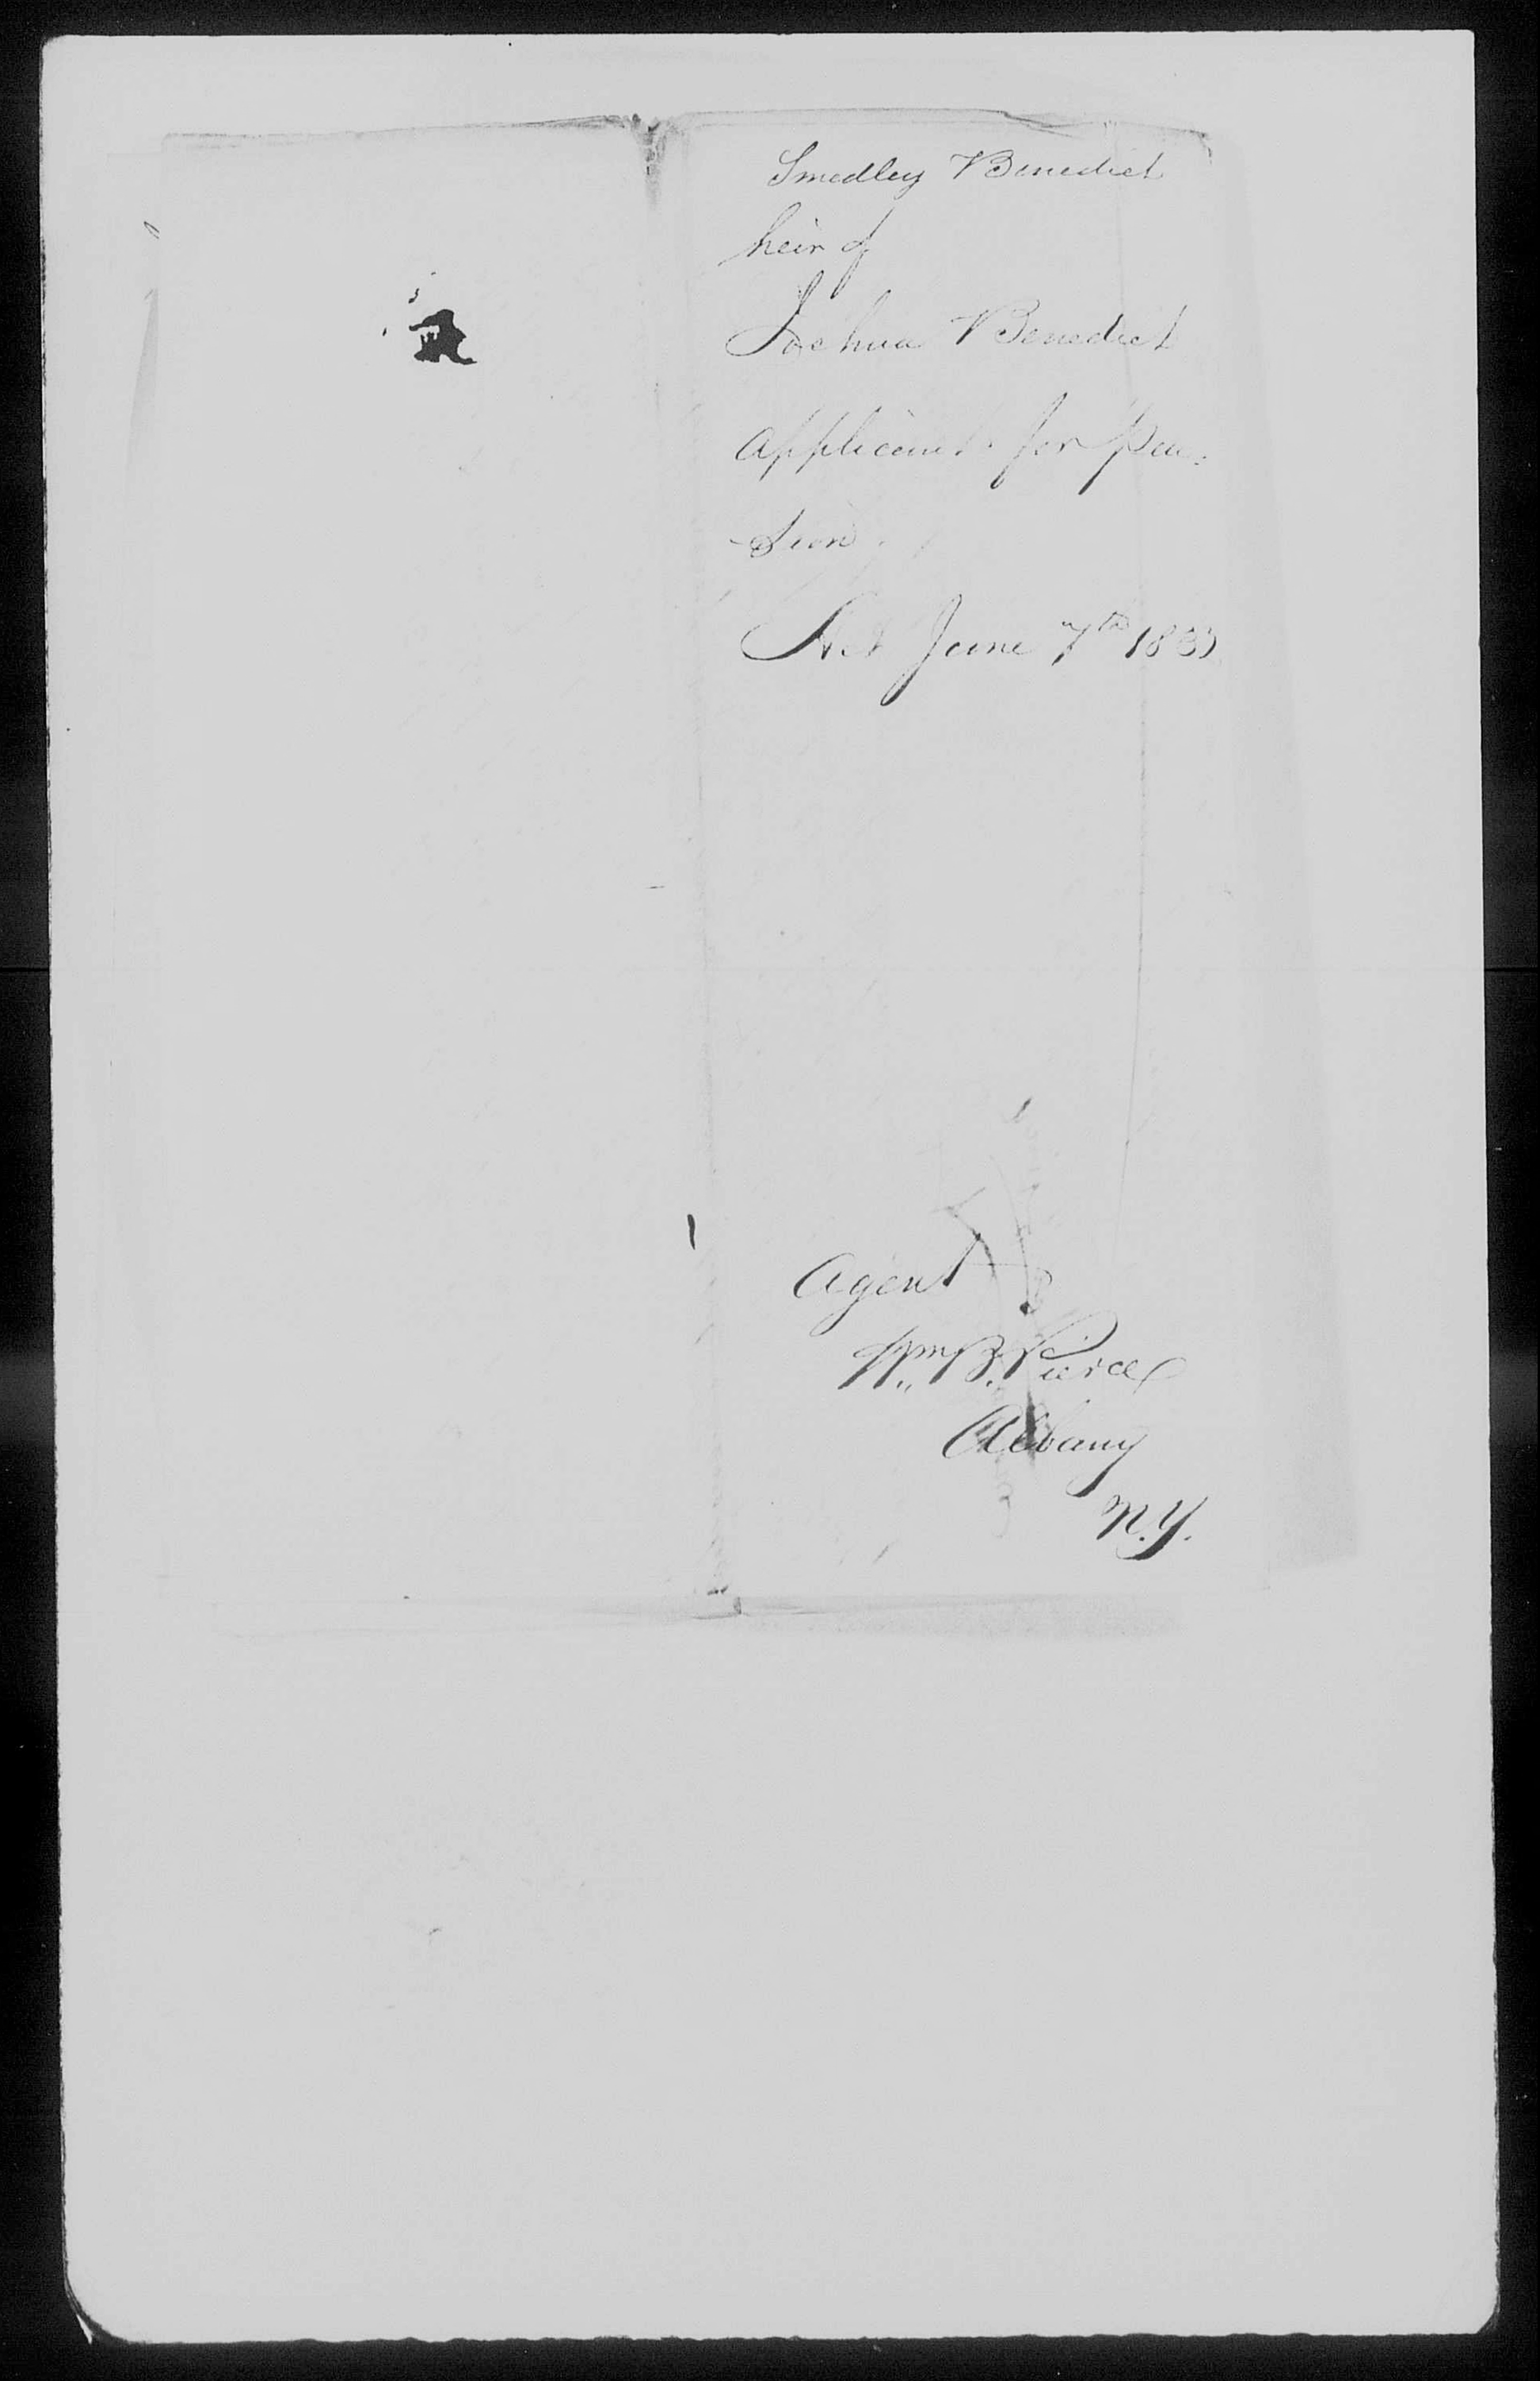Smedley Benedict
heir of
Joshua Benedict
Applicant for pen:
Sign
Act June 7 1835

Agent
Wm. B. Pierce
Albany
N. Y.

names: Smedley Benedict, Wm B Pierce, Joshua Benedict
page: 3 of 106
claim: survivor's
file: S 23,116., Joshua Benedict, Conn.